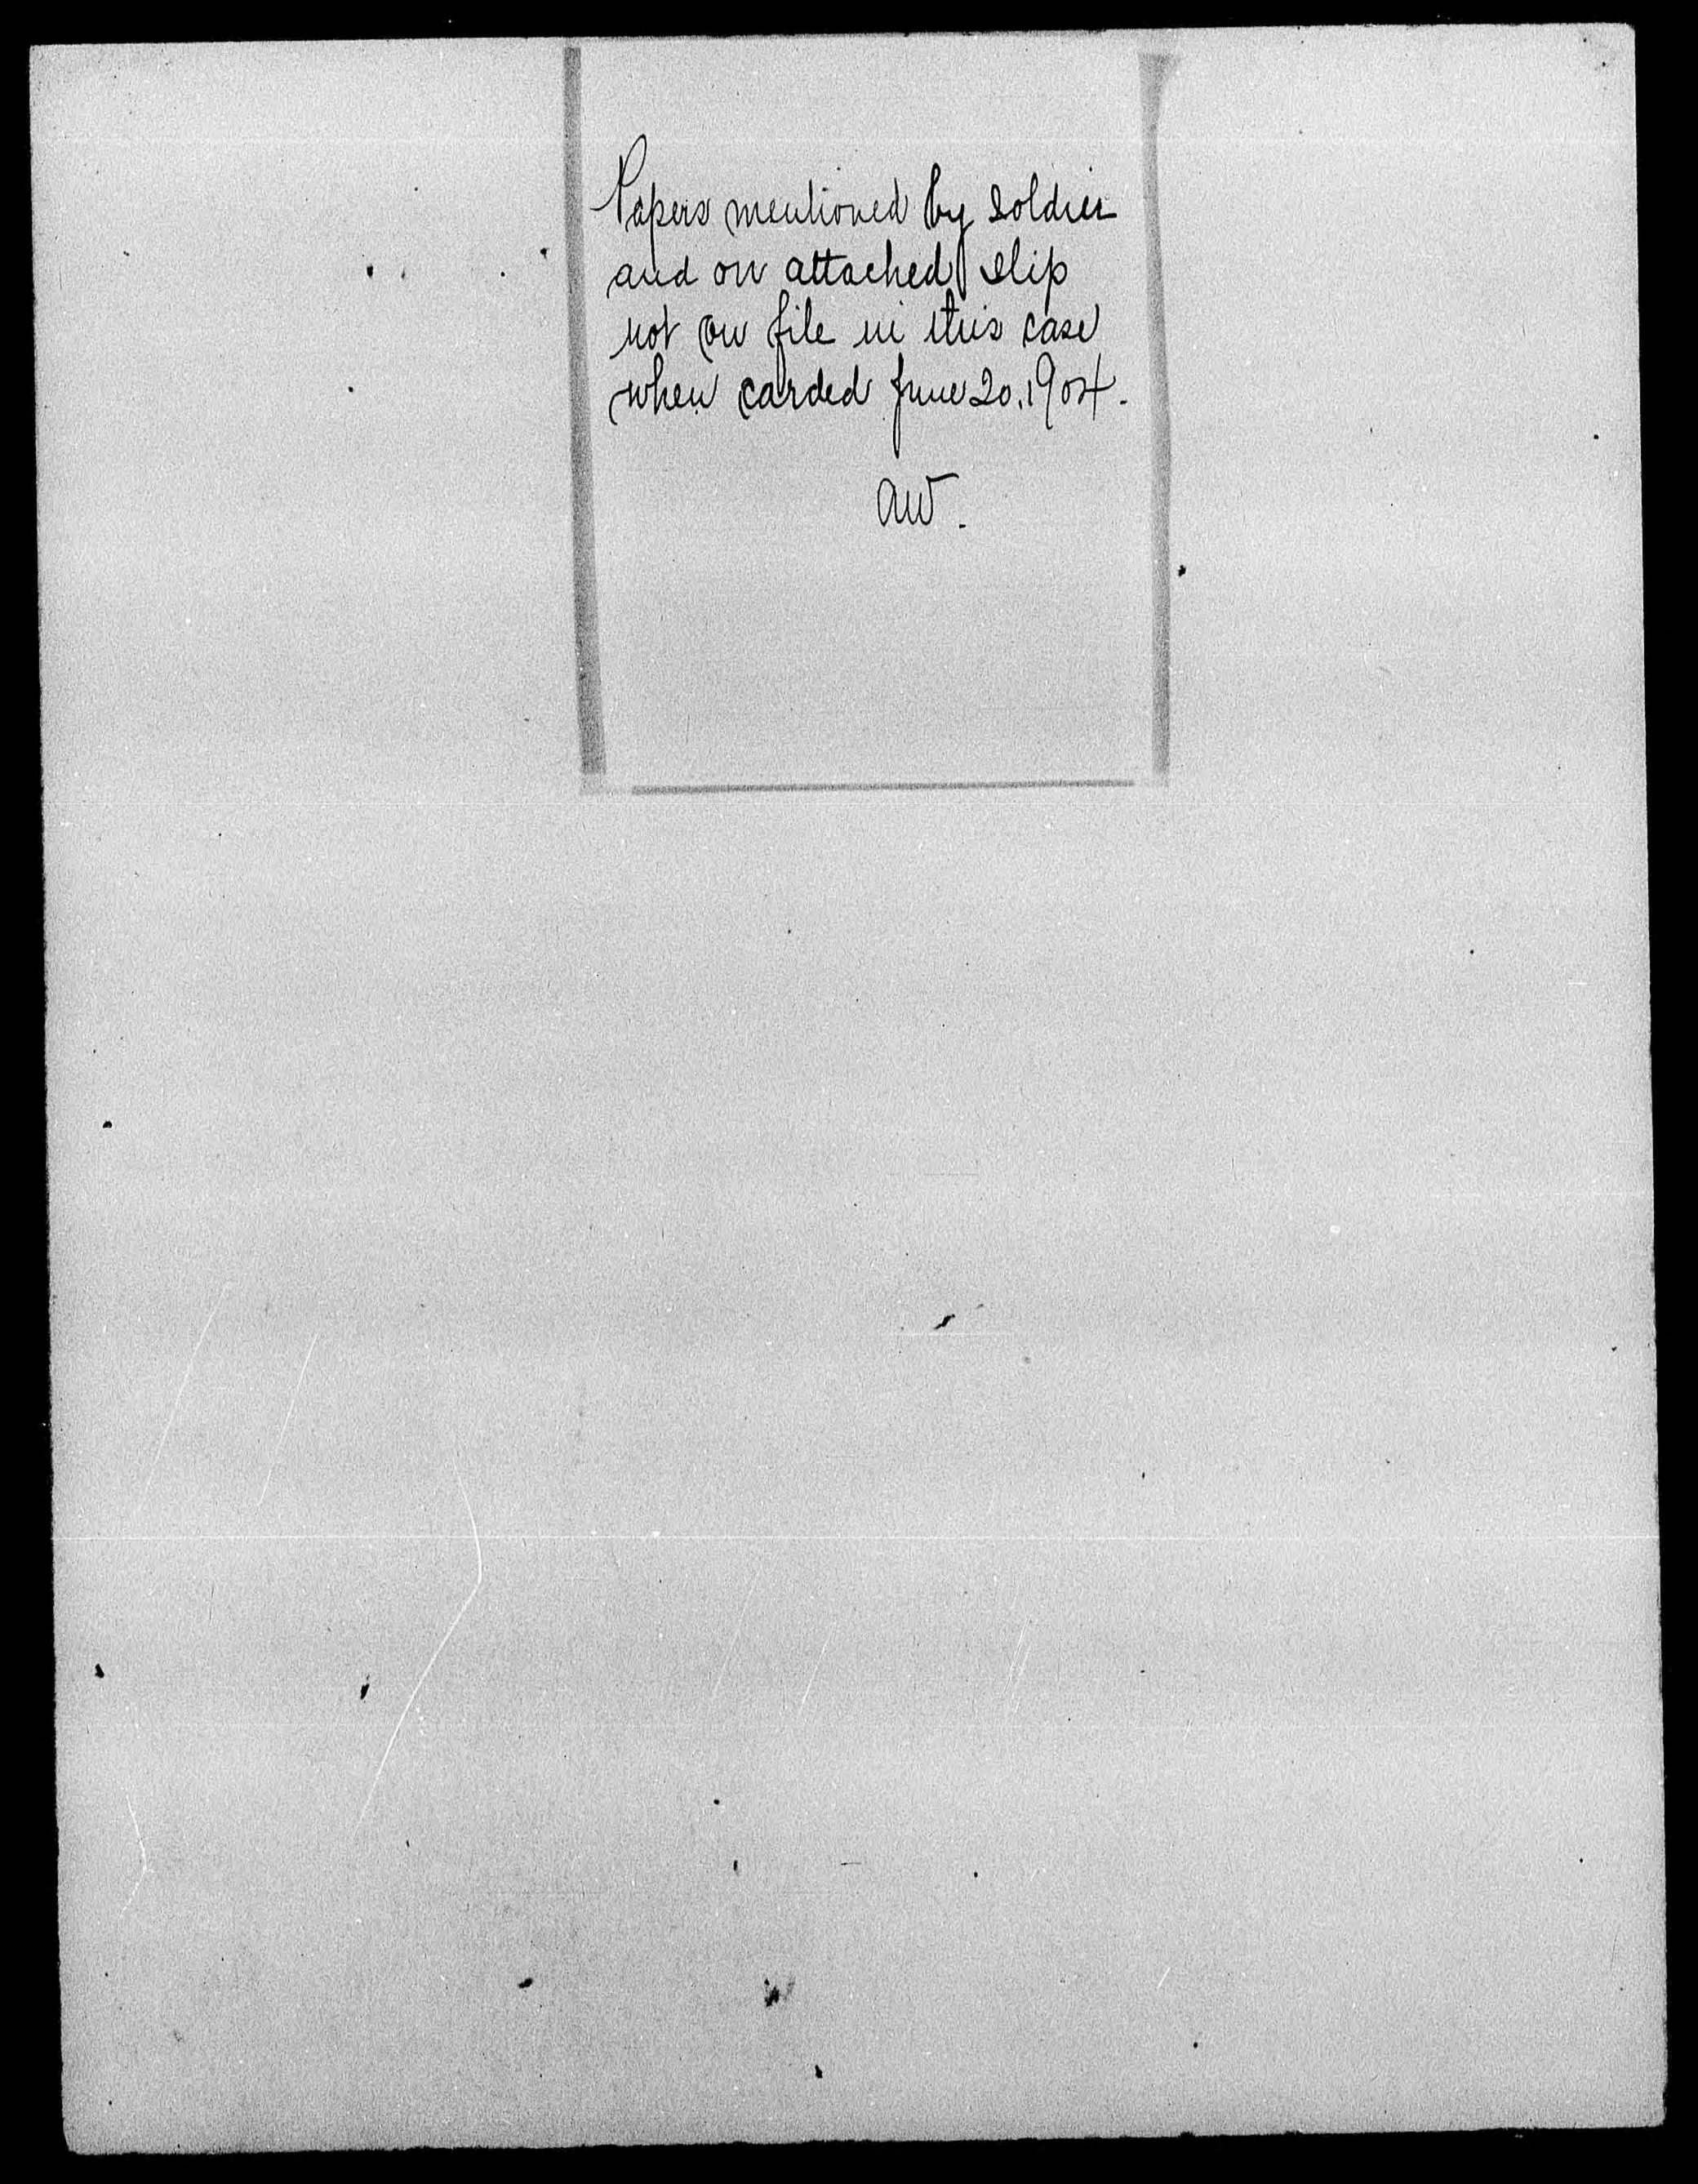Papers mentioned by soldier and on attached slip not on file in this case when carded Jne 20, 1904. aw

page: 24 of 55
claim: survivor's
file: S. 6,937, Joseph Graham, N.C.